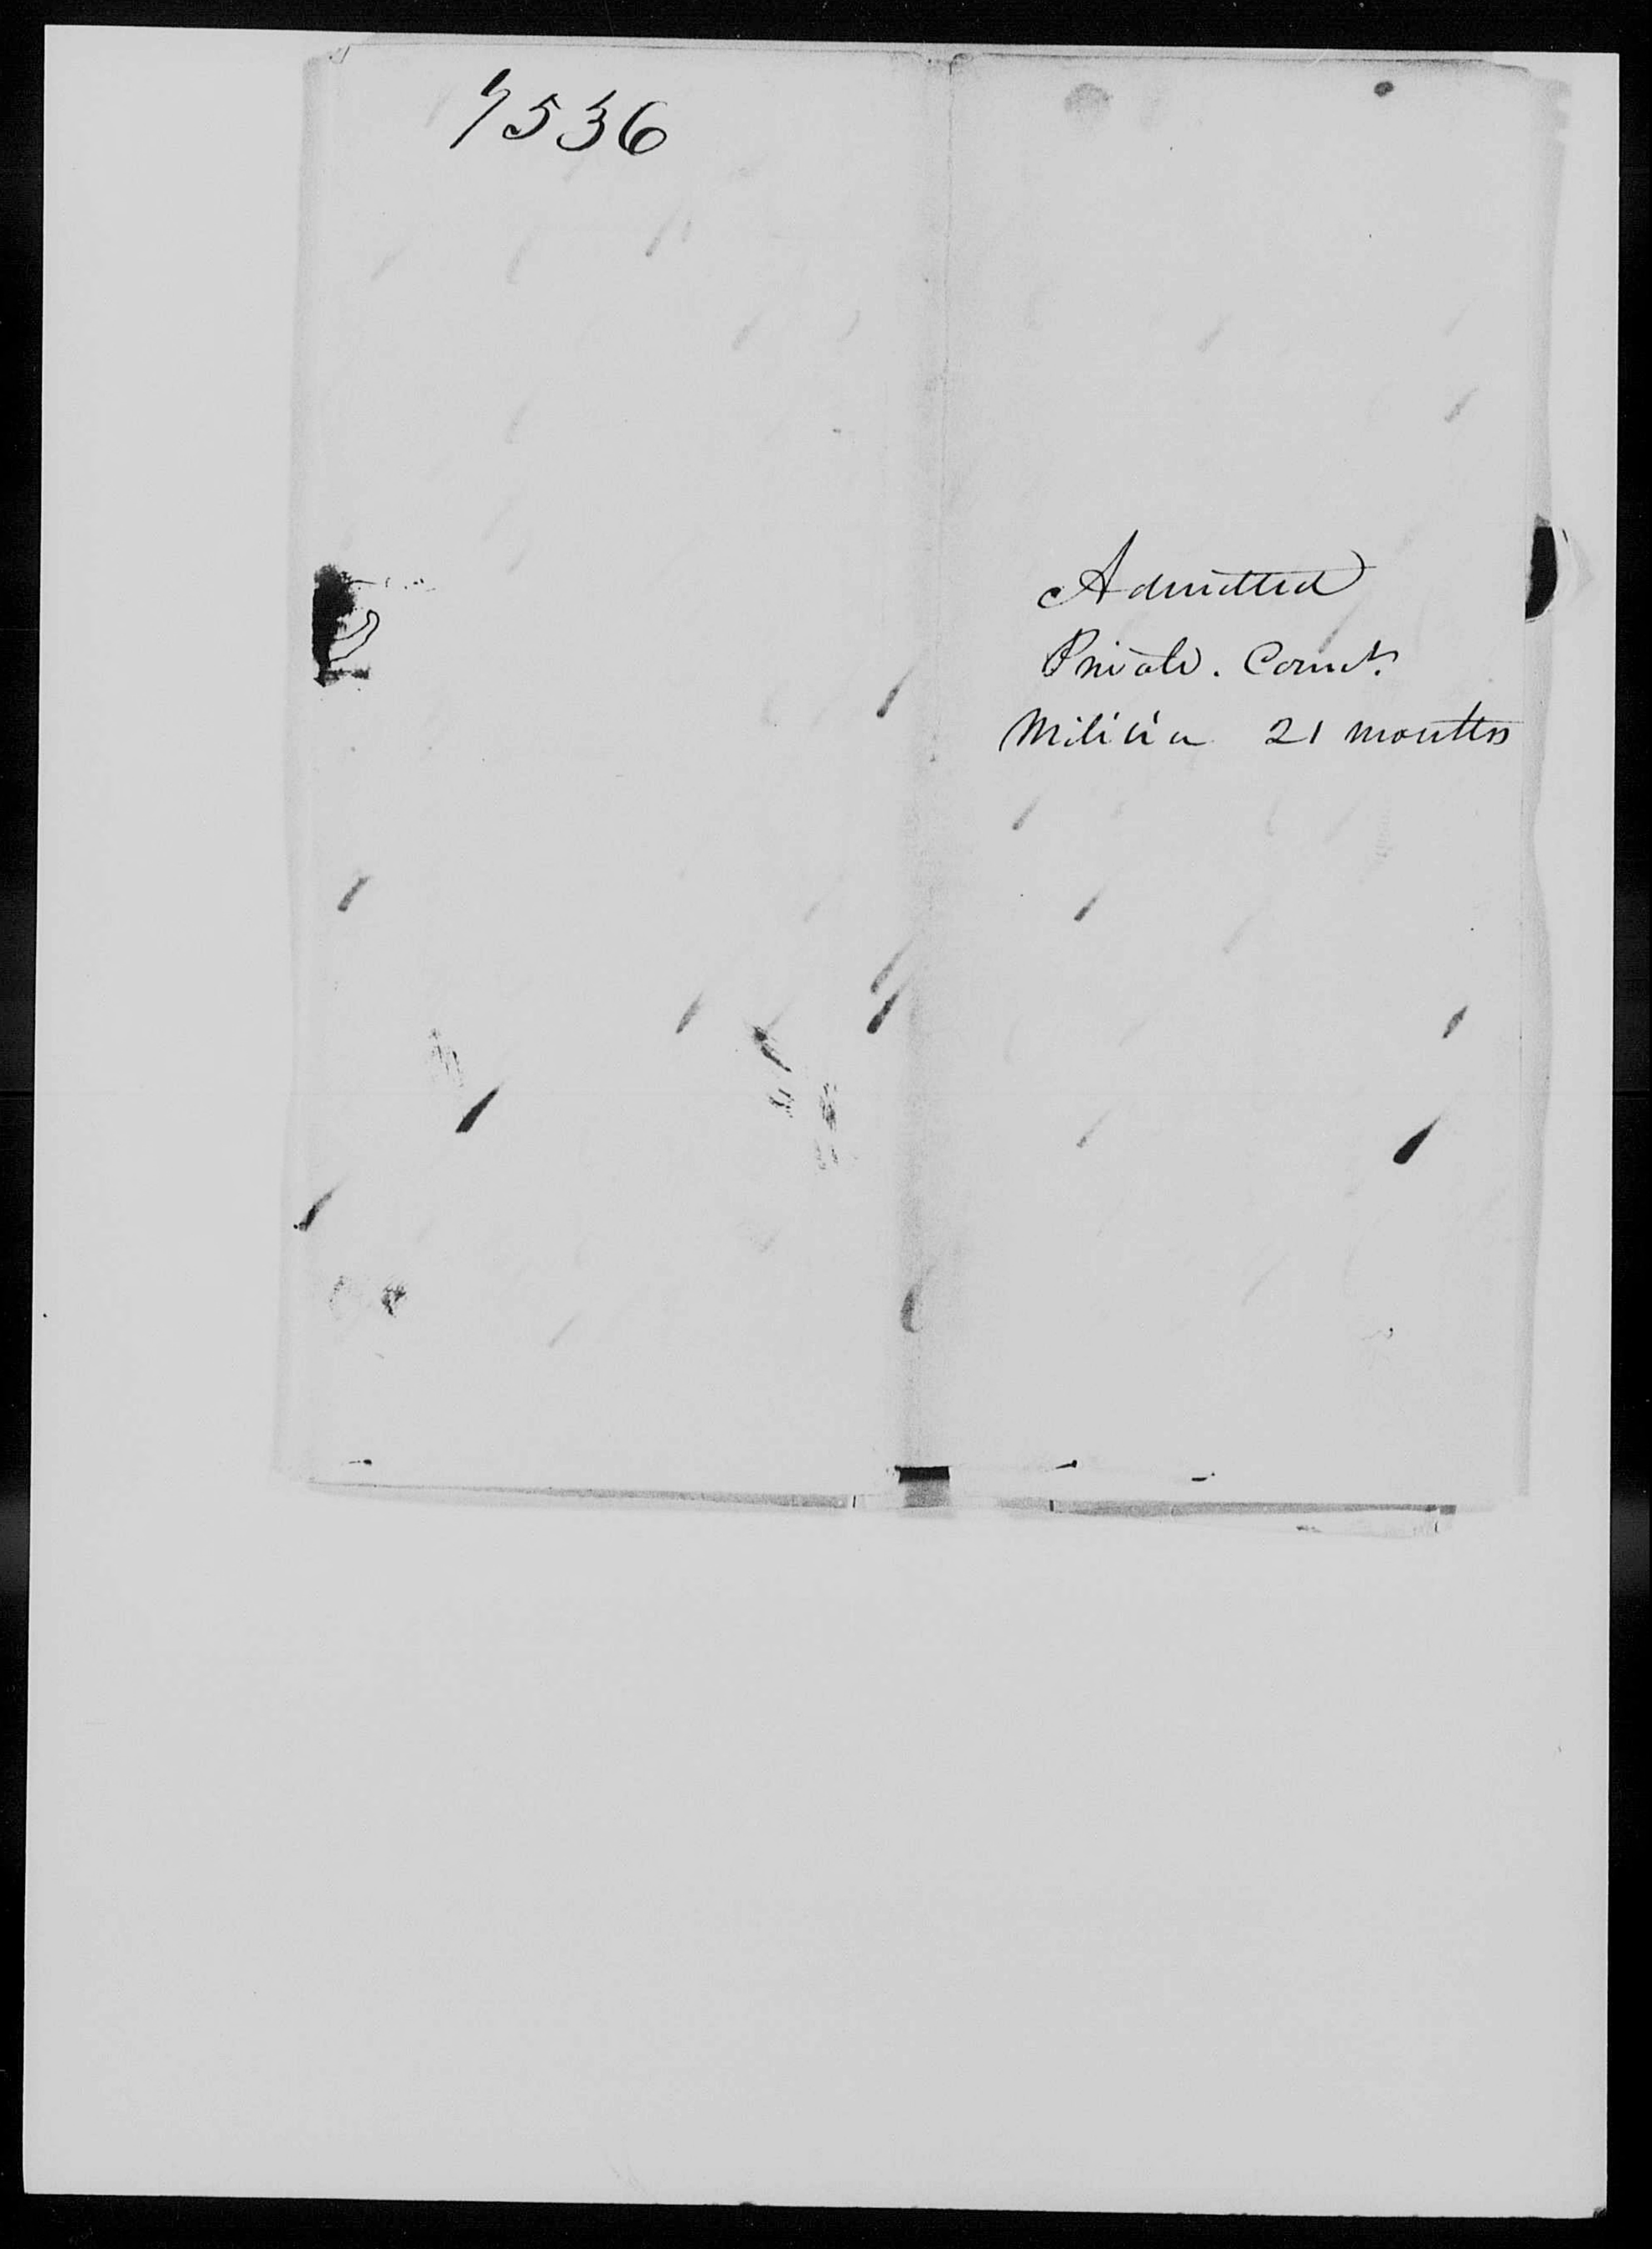7536
Admitted
Private Conn't
Militia 21 months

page: 18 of 21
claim: survivor's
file: S. 14943, Wheeler Beecher, Conn.